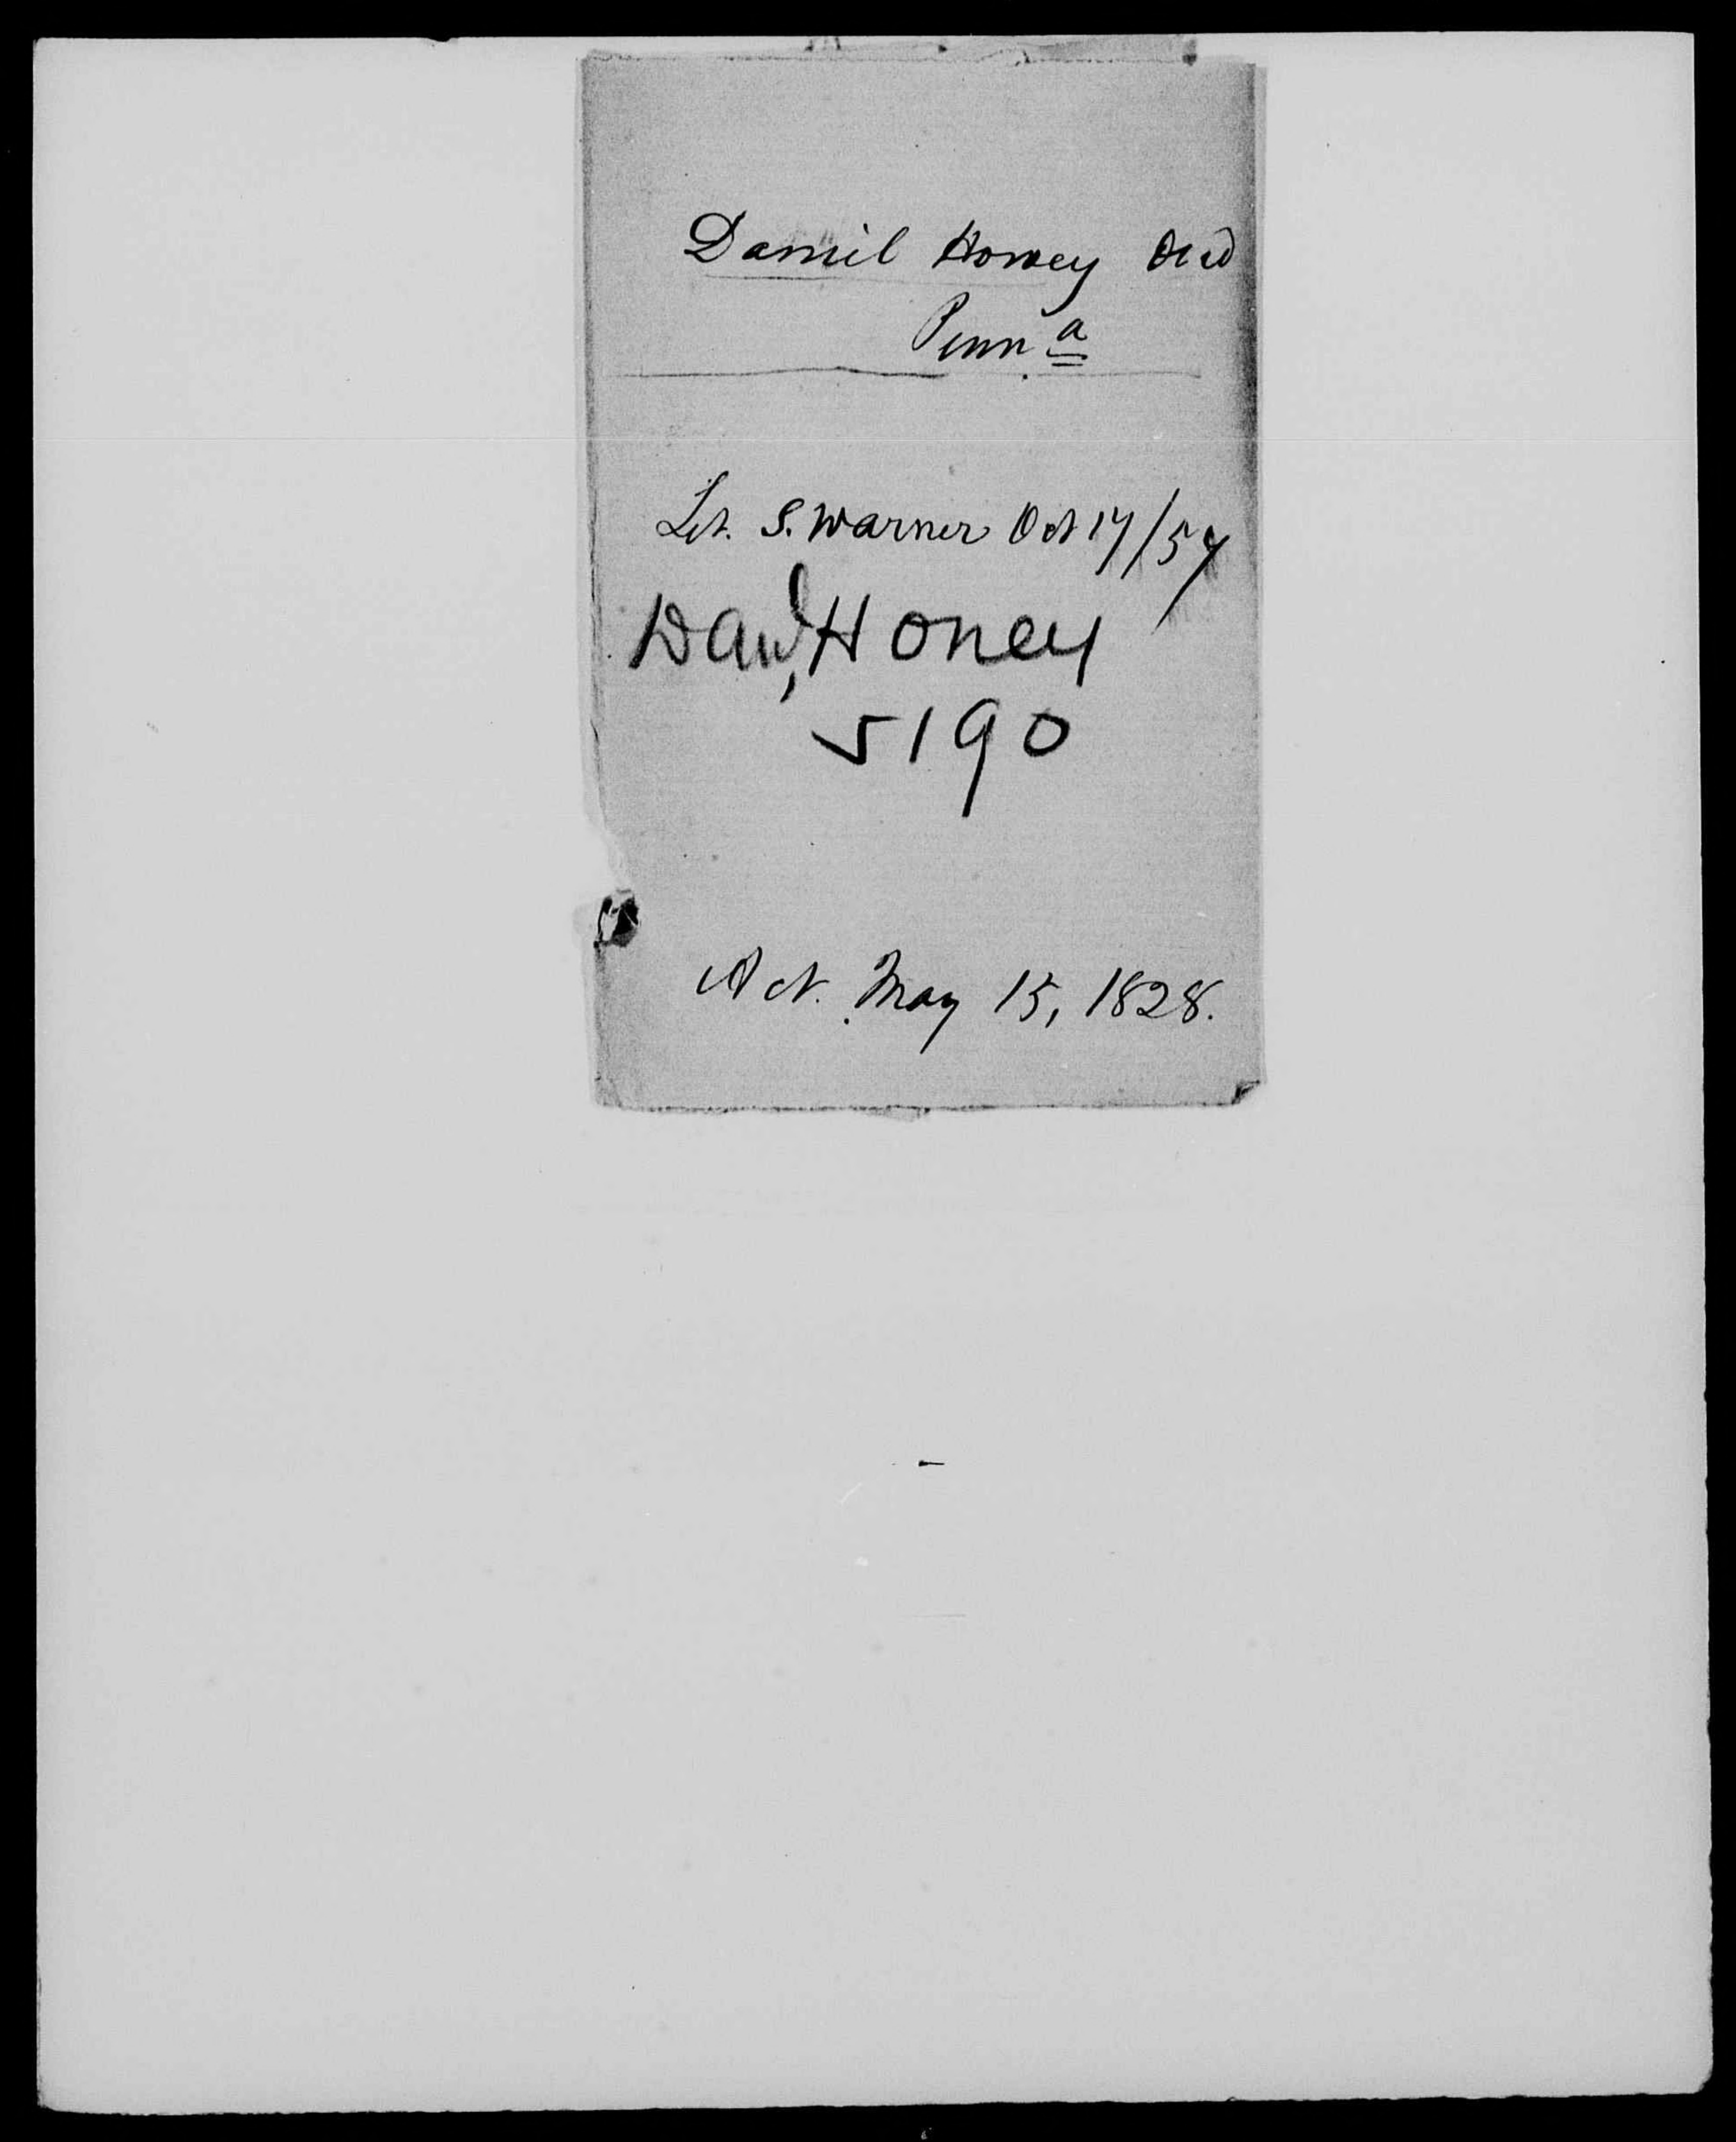Daniel Howey Ord [?]
Penn a [a underlined twice]
Lit. S. Warner Oct 17/57
Danl Howey 5190
Act May 15, 1828.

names: Daniel Howey, S Warner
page: 8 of 25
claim: rejected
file: R. 5190, Daniel Howey, New Jersey New York